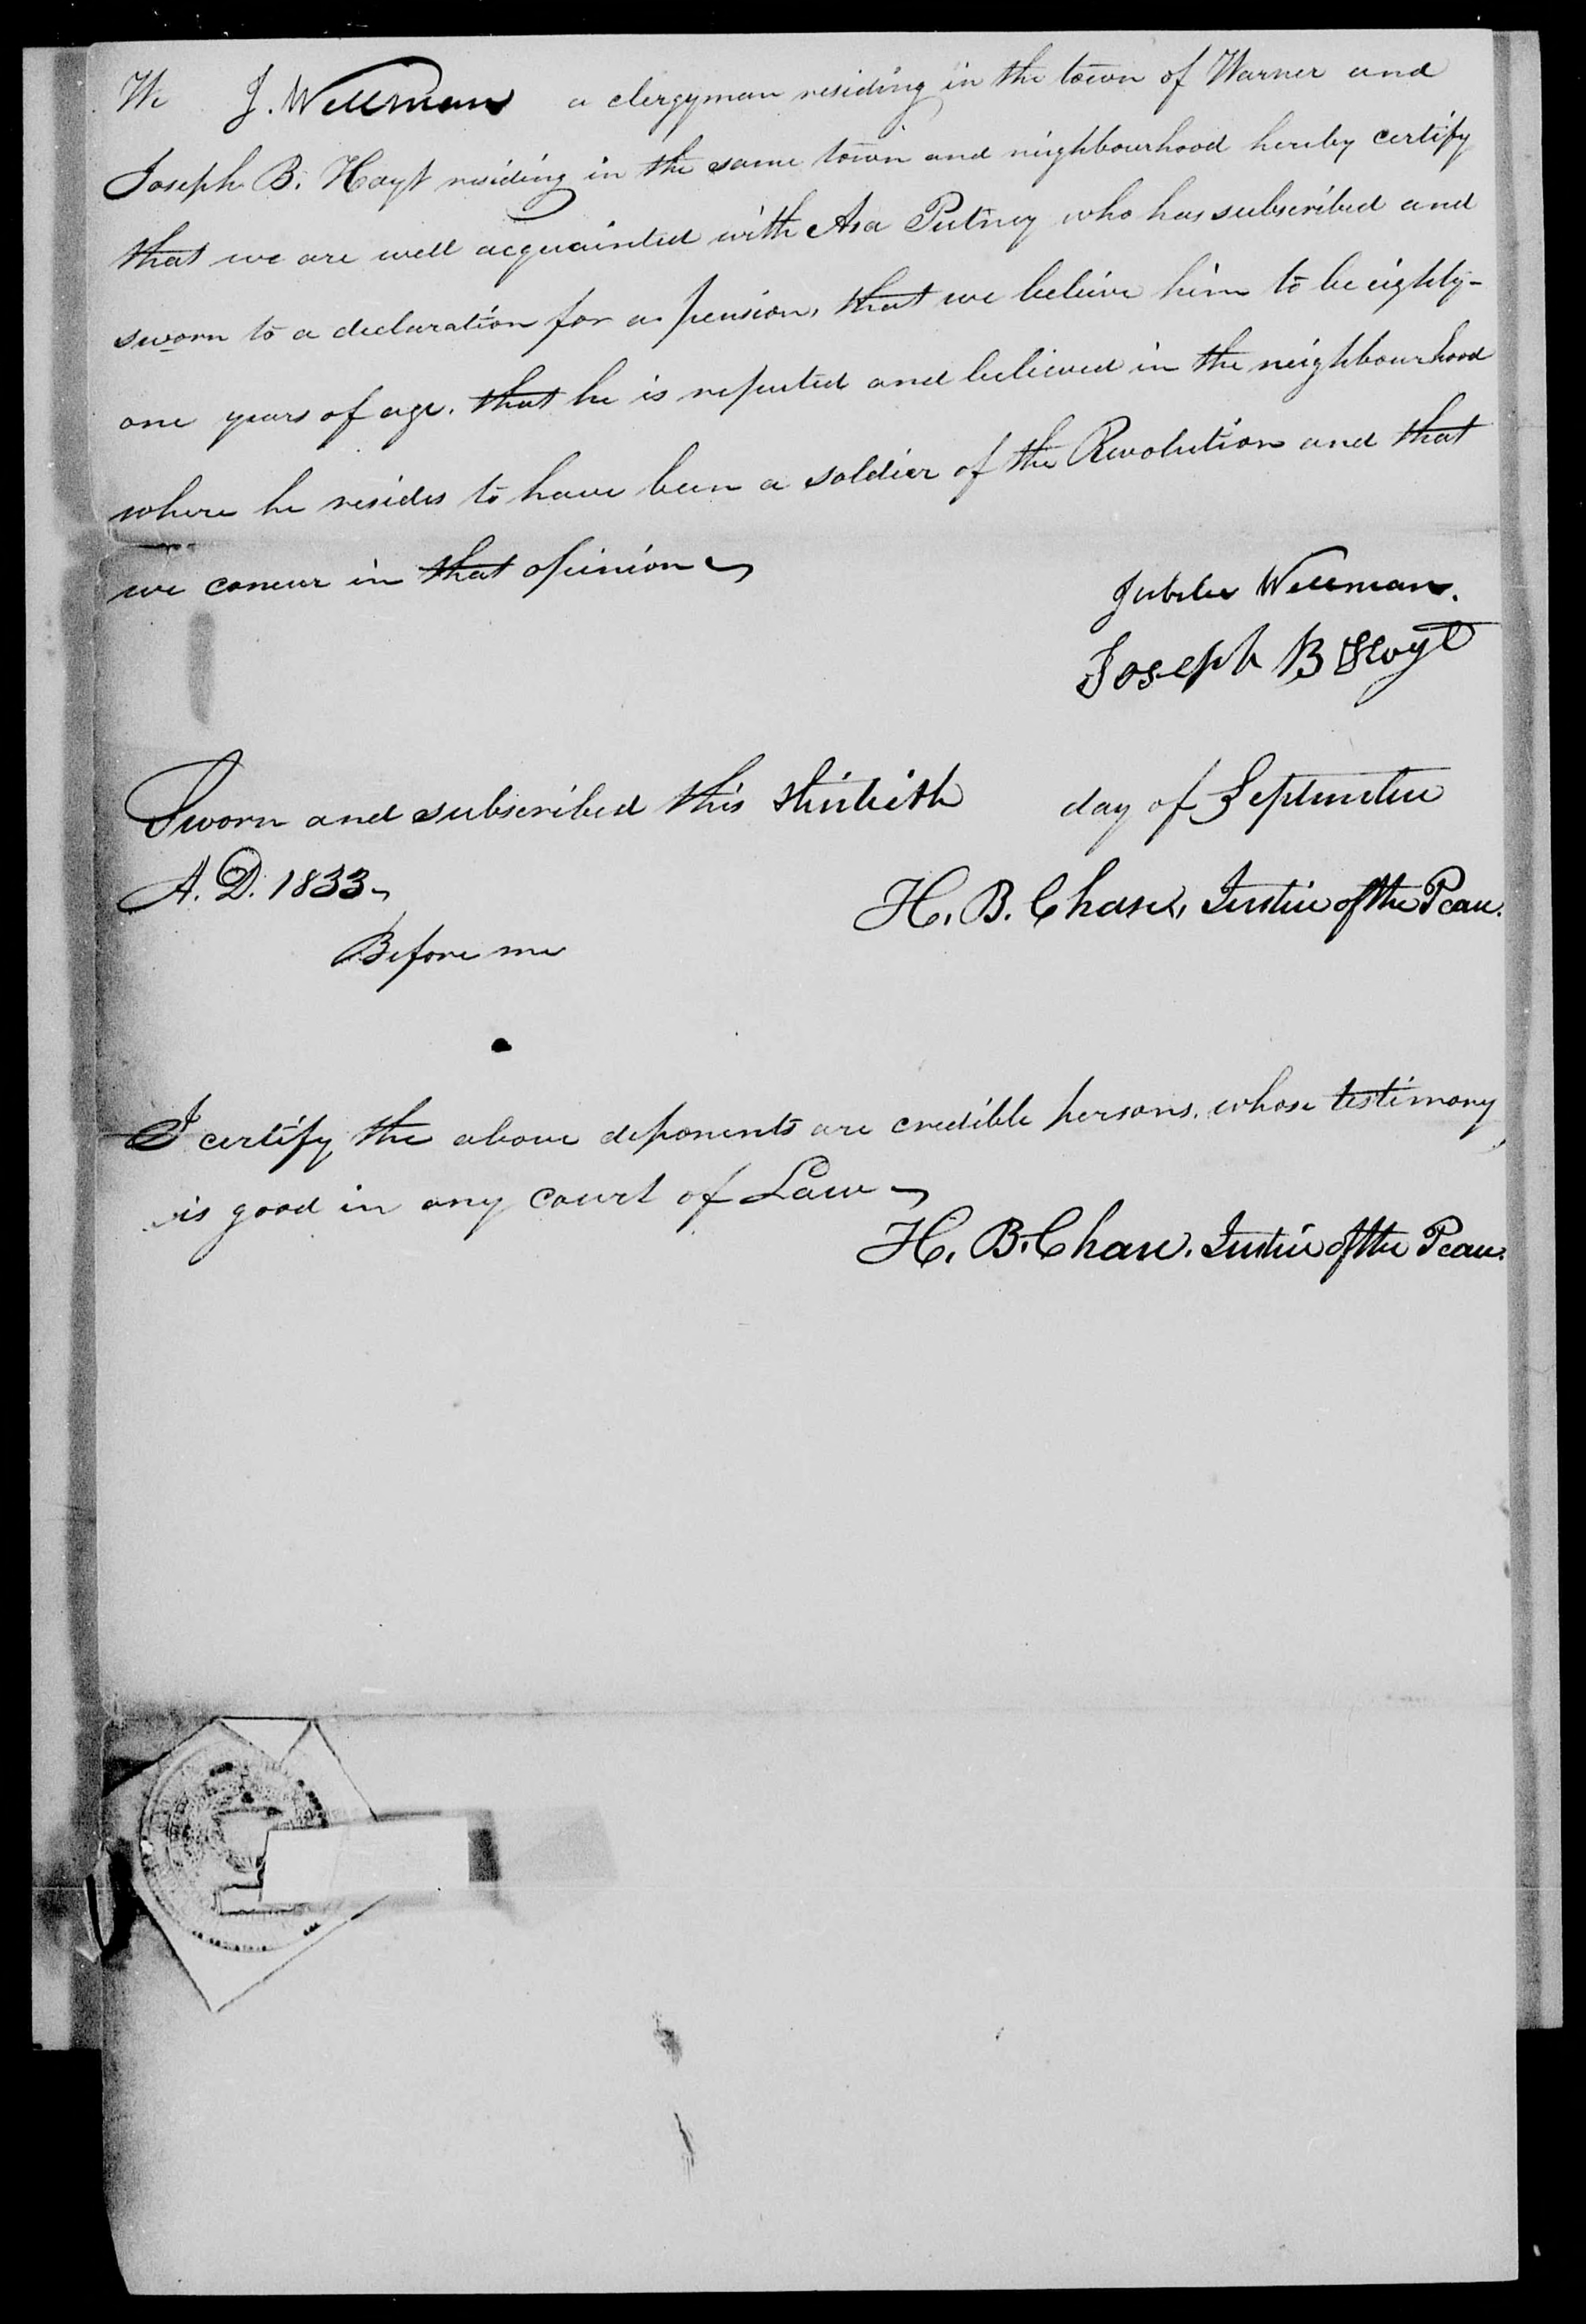We J. Wellman is clergyman residing in the town of Warner and Joseph B. Hoyt residing in the same town and neighbourhood hereby certify that we are well acquainted with Asa Putney who has subscribed and sworn to a declaration for a pension, that we believe him to be eighty-one years of age.  that he is reputed and believed in the neighbourhood where he resides to have been a soldier of the Revolution and that we concur in that opinion--
Jubilee Wellman.
Joseph B Hoyt

Sworn and subscribed this thirtieth day of September A.D. 1833--
Before me   H.B. Chase,  Justice of the Peace.

I certify the above deponents are credible persons, whose testimony is good in any court of Law--
H.B. Chase.   Justice of the Peace.

[illegible seal affixed at the bottom left corner of page]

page: 11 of 14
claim: survivor's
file: S. 22943, for Asa Putney, New Hampshire